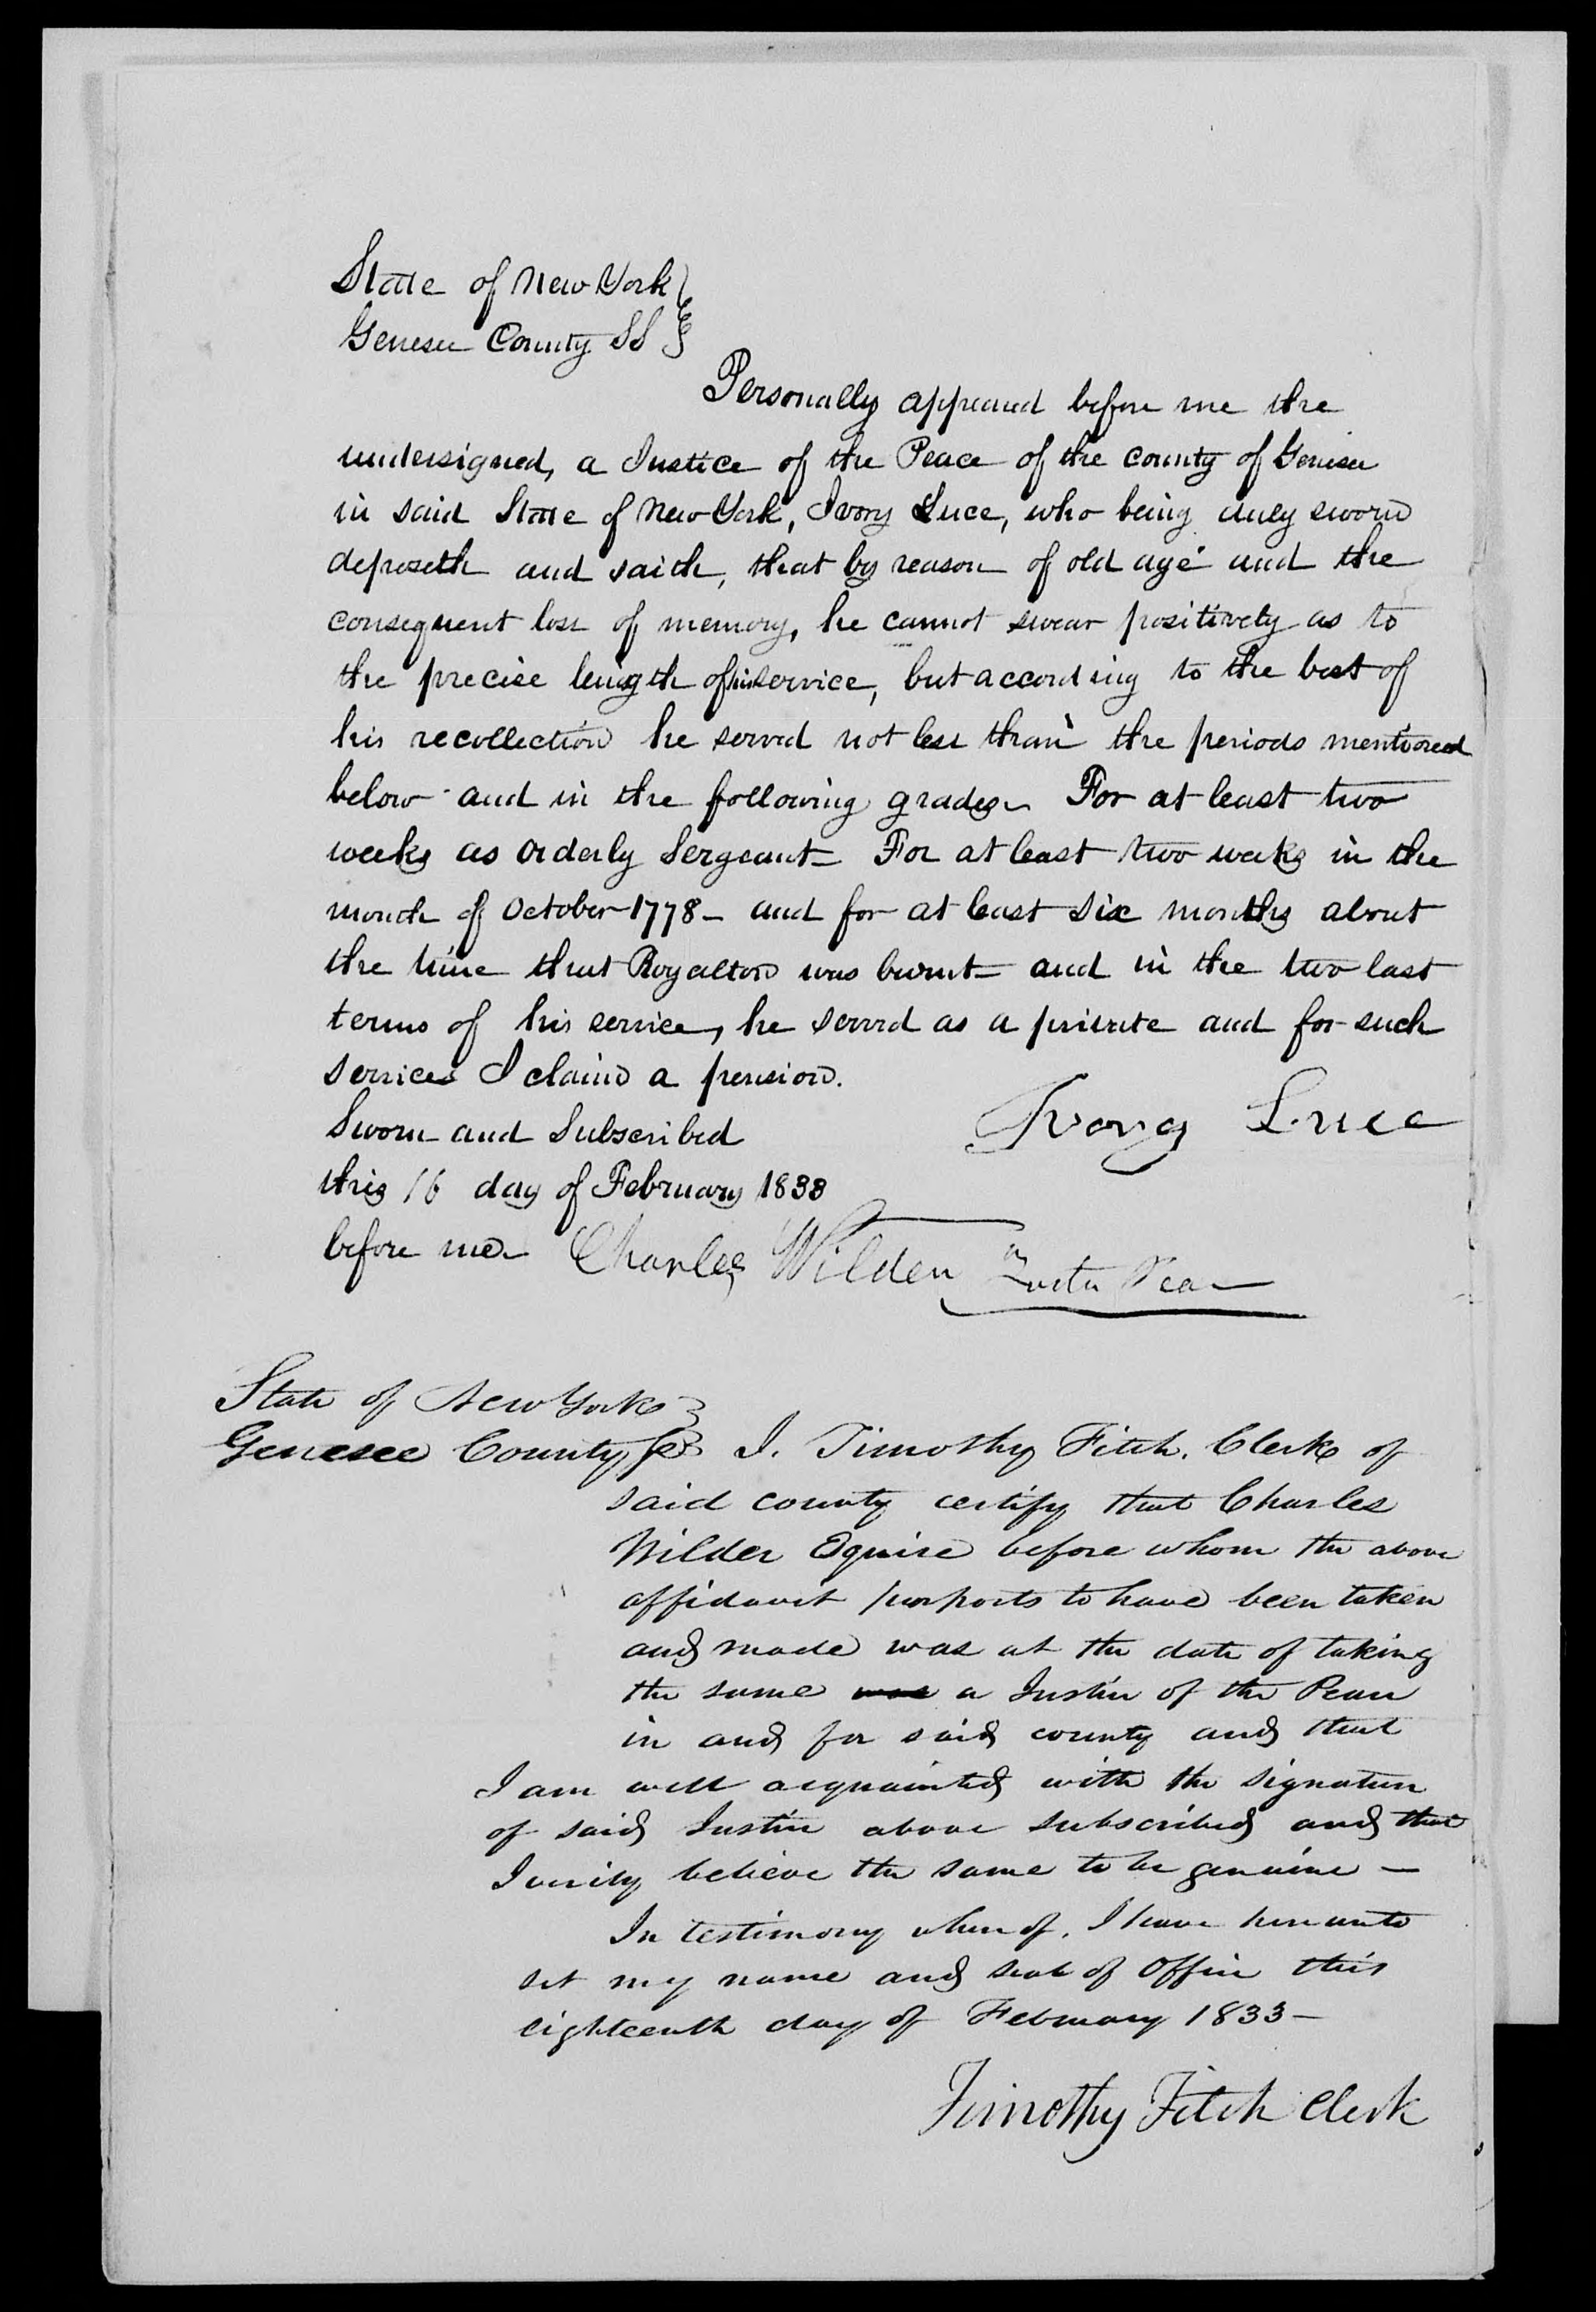State of New York
Genesee County

Personally appeared before me the undersigned, a Justice of the Peace of the county of Genesee in said State of New York, Ivory Luce, who being duly sworn deposeth and saith, that by reason of old age and the consequent loss of memory, he cannot swear positively as to the precise length of his service, but according to the best of his recollection he served not less than the periods mentioned below and in the following grades:  For at least two weeks as orderly Sergeant.  For at least two weeks in the month of October 1778 - and for at least six months about the time that Royalton was burnt - and in the two last terms of his service, he served as a private and for such services I claim a pension.

[signed]
Ivory Luce

Sworn and Subscribed
this 16 day of February 1838
before me
[signed]
Charles Wilden Justice Peace

State of New York
Genesee County

I Timothy Fitch, Clerk of said county certify that Charles Wilder Esquire before whom the above affidavit purports to have been taken and made was at the date of taking the same a Justice of the Peace in and for said county and that I am well acquainted with the signature of said Justice above subscribed and that I verily believe the same to be genuine.
In testimony whereof, I have hereunto set my name and seal of office this eighteenth day of February 1833 -

[signed]
Timothy Fitch Clerk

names: Ivory Luce; Timothy Fitch; Charles Wilder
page: 52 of 70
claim: rejected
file: R. 6510, for Israel Luce, New York